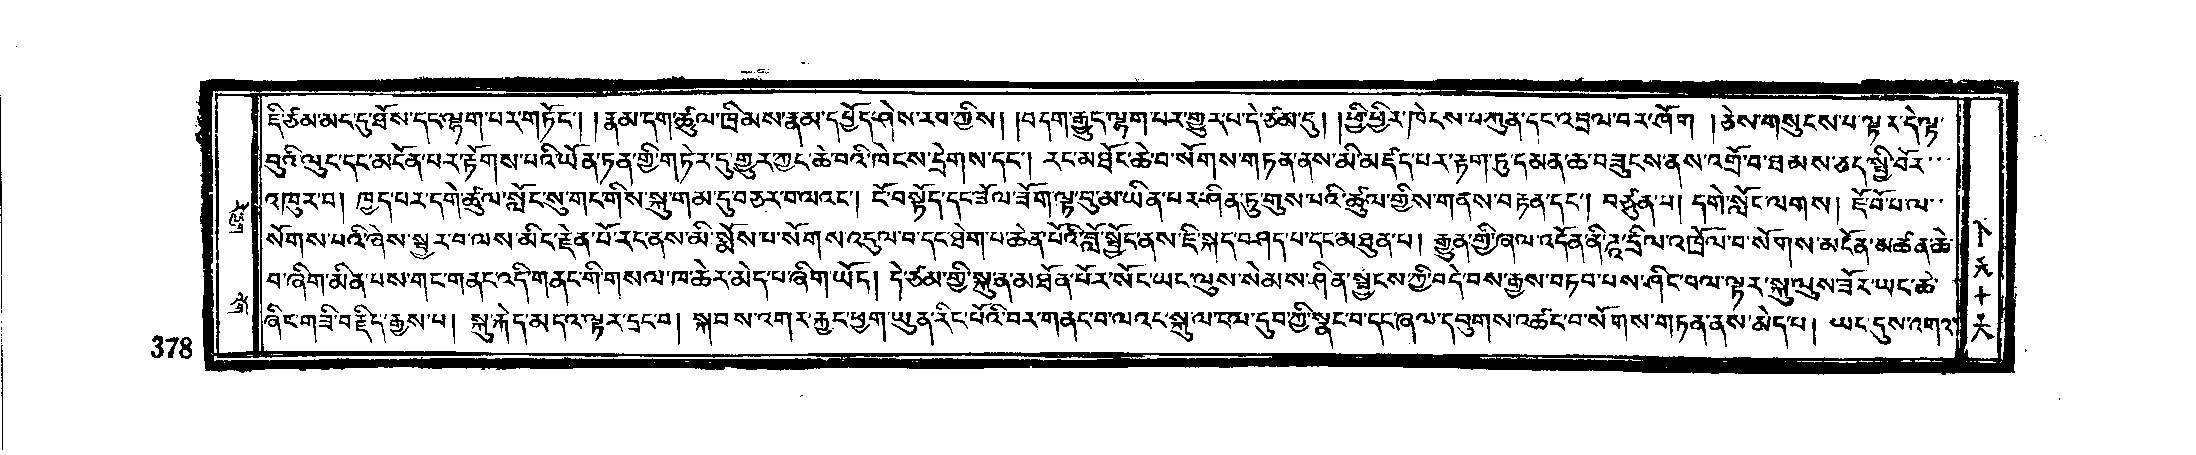ཇི་ཙམ་མང་དུ་ཐོས་དང་ལྷག་པར་གཏོང་། །རྣམ་དག་ཚུལ་ཁྲིམས་རྣམ་དཔྱོད་ཤེས་རབ་ཀྱིས། །བདག་རྒྱུད་ལྷག་པར་གྱུར་པ་དེ་ཙམ་དུ། །ཕྱི་ཕྱིར་ཁེངས་པ་ཀུན་དང་འབྲལ་བར་ཤོག །ཅེས་གསུངས་པ་ལྟར་དེ་ལྟ་
བུའི་ལུང་དང་མངོན་པར་རྟོགས་པའི་ཡོན་ཏན་གྱི་གཏེར་དུ་གྱུར་ཀྱང་ཆེ་བའི་ཁེངས་དྲེགས་དང་། རང་མཐོང་ཆེ་བ་སོགས་གཏན་ནས་མི་མཛད་པར་རྟག་ཏུ་དམན་ཆ་བཟུངས་ནས་འགྲོ་བ་ཐམས་ཅད་སྤྱི་བོར་
འཁུར་བ། ཁྱད་པར་དགེ་ཚུལ་སློང་སུ་གང་གིས་སྐུ་གམ་དུ་བཅར་བ་ལའང་། ངོ་བསྟོད་དང་ཟོལ་ཟོག་ལྟ་བུ་མ་ཡིན་པར་ཤིན་ཏུ་གུས་པའི་ཚུལ་གྱིས་གནས་བརྟན་དང་། བཙུན་པ། དགེ་སློང་ལགས། ཇོ་བོ་པ་ལ་
སོགས་པའི་ཞེས་སྦྱར་བ་ལས་མིང་རྗེན་པོ་རང་ནས་མི་སྨོས་པ་སོགས་འདུལ་བ་དང་ཐེག་པ་ཆེན་པོའི་བློ་སྦྱོང་ནས་ཇི་སྐད་བཤད་པ་དང་མཐུན་པ། རྒྱུན་གྱི་ཞལ་འདོན་ནི་ཌཱ་དྲིལ་འཁྲོལ་བ་སོགས་མངོན་མཚན་ཆེ་
བ་ཞིག་མིན་པས་གང་གནང་འདི་གནང་གི་གསལ་ཁ་ཆེར་མེད་པ་ཞིག་ཡོད། དེ་ཙམ་གྱི་སྐུ་ན་མཐོན་པོར་སོང་ཡང་ལུས་སེམས་ཤིན་སྦྱངས་ཀྱི་བདེ་བས་རྒྱས་བཏབ་པས་ཤིང་བལ་ལྟར་སྐུ་ལུས་ཟོར་ཡང་ཆེ་
ཞིང་གཟི་བརྗིད་རྒྱས་པ། སྐུ་རྐེད་མདའ་ལྟར་དྲང་བ། སྐབས་འགར་རྐྱང་ཕྱག་ཡུན་རིང་པོའི་བར་གནང་བ་ལའང་སྐུ་ལ་ངལ་དུབ་ཀྱི་སྣང་བ་དང་ཞལ་དབུགས་འཚང་བ་སོགས་གཏན་ནས་མེད་པ། ཡང་དུས་འགའ་